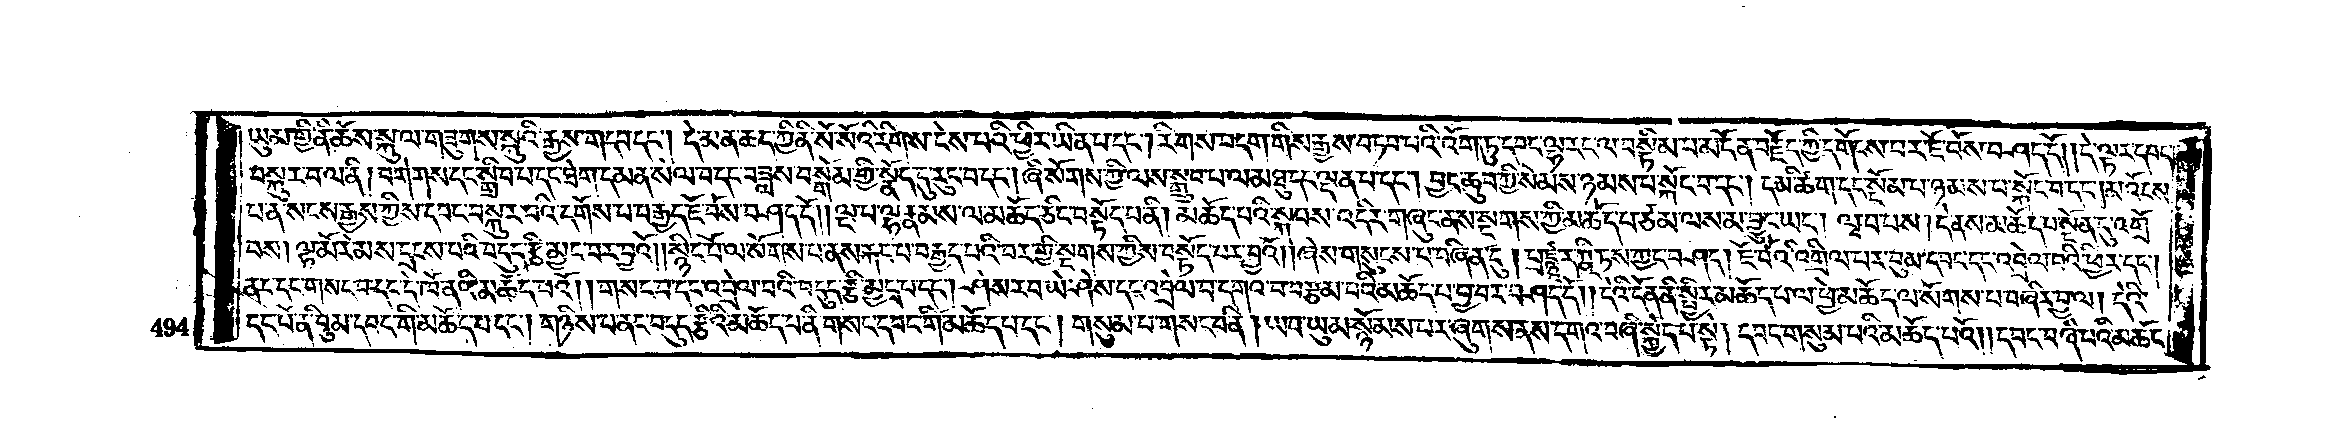ཡུམ་གྱི་ནི་ཆོས་སྐུ་ལ་གཟུགས་སྐུའི་རྒྱས་གདབ་དང་། དེ་མན་ཆད་ཀྱི་ནི་སོ་སོའི་རིགས་ངེས་པའི་ཕྱིར་ཡིན་པ་དང་། རིགས་བདག་གིས་རྒྱས་བཏབ་པའི་འོག་ཏུ་དབང་ལྷ་རང་ལ་བསྟིམ་པ་མངོན་བརྗོད་ཀྱི་དགོངས་པར་ཇོ་བོས་བཤད་དོ། །དེ་ལྟར་དབང་
བསྐུར་བ་ལ་ནི། བགེགས་དང་སྒྲིབ་པ་དང་ཐེག་དམན་སེལ་བ་དང་བཟླས་བསྒོམ་གྱི་སྣོད་དུ་རུང་བ་དང་། ཞི་སོགས་ཀྱི་ལས་སྒྲུབ་པ་ལ་མཐུ་དང་ལྡན་པ་དང་། བྱང་ཆུབ་ཀྱི་སེམས་ཉམས་པ་སྐོང་བ་དང་། དམ་ཚིག་དང་སྡོམ་པ་ཉམས་པ་སྐོང་བ་དང་། མ་འོངས་
པ་ན་སངས་རྒྱས་ཀྱིས་དབང་བསྐུར་བའི་དགོས་པ་བརྒྱད་ཇོ་བོས་བཤད་དོ། །ལྔ་པ་ལྷ་རྣམས་ལ་མཆོད་ཅིང་བསྟོད་པ་ནི། མཆེད་པའི་སྐབས་འདིར་གཞུང་ནས་སྔགས་ཀྱི་མཆོད་པ་ཙམ་ལས་མ་བྱུང་ཡང་། ལྭ་བ་པས། དེ་ནས་མཆོད་པ་སྔོན་དུ་འགྲོ་
བས། ལྷ་མོ་རེ་མས་དྲངས་པའི་བདུད་རྩི་མྱང་བར་བྱའོ། །སྙིང་པོ་ལ་སོགས་པ་ནས་རྐང་པ་བརྒྱད་པའི་བར་གྱི་སྔགས་ཀྱིས་བསྟོད་པར་བྱའོ། །ཞེས་གསུངས་པ་བཞིན་དུ། པྲཛྙཱ་རཀྵི་ཏས་ཀྱང་བཤད། ཇོ་བོའི་འགྲེལ་པར་བུམ་དབང་དང་འབྲེལ་བའི་ཕྱིར་དང་།
ནང་དང་གསང་བ་དང་དེ་ཁོ་ནའི་མཆོད་པའོ། །གསང་བ་དང་འབྲེལ་བའི་བདུད་རྩི་མྱངས་པ་དང་། ཤེས་རབ་ཡེ་ཤེས་དང་འབྲེལ་བ་དགའ་བ་བརྩམ་པའི་མཆོད་པ་བྱ་བར་བཤད་དོ། །དེའི་དོན་ནི་སྤྱིར་མཆོད་པ་ལ་ཕྱེ་མཆོད་ལ་སོགས་པ་བཞིར་བྱ་ལ། དེའི་
དང་པོ་ནི་བུམ་དབང་གི་མཆོད་པ་དང་། གཉིས་པ་ནང་བདུད་རྩིའི་མཆོད་པ་ནི་གསང་དབང་གི་མཆོད་པ་དང་། གསུམ་པ་གསང་བ་ནི། ཡབ་ཡུམ་སྙོམས་པར་ཞུགས་ནས་དགའ་བཞི་སྐྱེད་པ་སྟེ། དབང་གསུམ་པའི་མཆོད་པའོ། །དབང་བཞི་པའི་མཆོད་